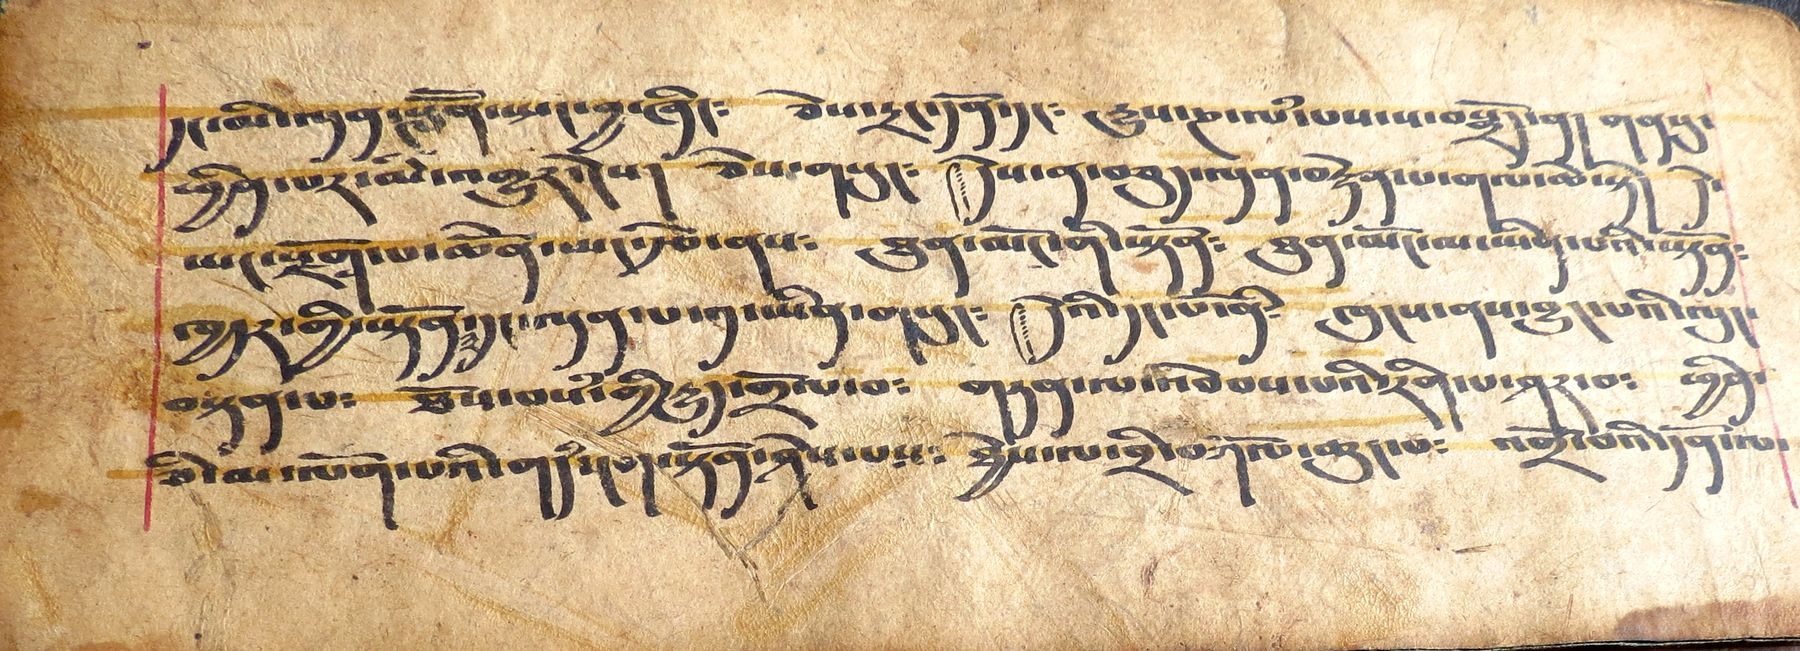དང་མི་ལྡན་སློབ་དཔོན་སྤང་བྱ་ཞིང་། ཅེས་དྲང་དོན་དང་། རྒྱུས་མེད་ལམ་པའི་ས་བསྒྲོད་ན། གནས་སུ་
ཕྱིན་པར་མི་འགྱུར་ངེས། ཞེས་གསུངས། དེས་ན་བཅུད་ལྡན་བསྟེན་པ་གལ་ཆེ་སྟེ། དེ་
ཡང་རྫོགས་ཆེན་ཡོངས་རྩེ་ལས། ཐུན་མོང་གི་ཡོན་ཏན། ཐུན་མོང་མ་ཡིན་པའི་ཡོན་ཏན། 
ཁྱད་པར་གྱི་ཡོན་ཏན་དང་གསུམ་དང་ལྡན་པ་ཞིག་ཡིན་གསུངས། ༧དེའི་དང་པོ་ནི། ཁུངས་ནས་བྱུང་ས་ལུང་
བསྟན་པ། ཐོས་བསམ་གྱིས་རྒྱུད་ཁྲོལ་བ། གཏན་ལ་ཕེབས་པའི་རིག་པ་ཤར་བ། ཕྱིན་
ཅི་མ་ལོག་པའི་གདམས་ངག་སྟོན་ཤེས་པ། ཐུགས་རྗེ་ལ་བྲི་བཀོལ་ཆུང་བ། འགྲོ་བའི་དོན་ལ་